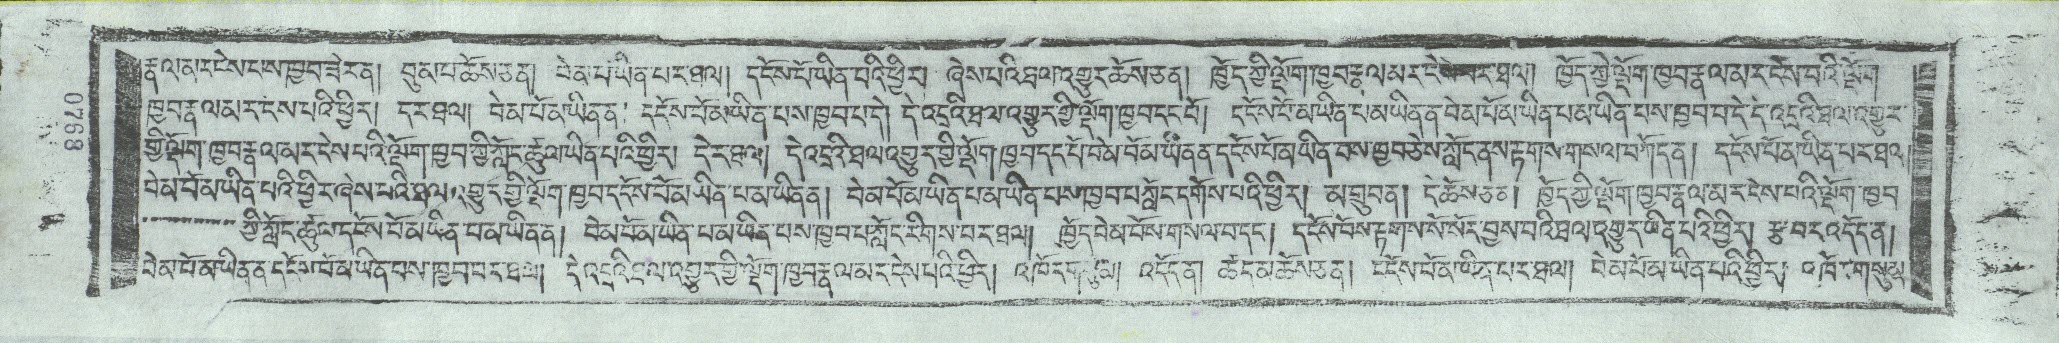རྣལ་མར་ངེས་པས་ཁྱབ་ཟེར་ན། བུམ་པ་ཆོས་ཅན། བེམ་པོ་ཡིན་པར་ཐལ། དངོས་པོ་ཡིན་པའི་ཕྱིར། ཞེས་པའི་ཐལ་འགྱུར་ཆོས་ཅན། ཁྱོད་ཀྱི་ལྡོག་ཁྱབ་རྣལ་མར་ངེས་པར་ཐལ། ཁྱོད་ཀྱི་ལྡོག་ཁྱབ་རྣལ་མར་ངེས་བའི་ལྡོག་
ཁྱབ་རྣལ་མར་ངེས་པའི་ཕྱིར། དེར་ཐལ། བེམ་པོ་མ་ཡིན་ན། དངོས་པོ་མ་ཡིན་པས་ཁྱབ་པ་དེ། དེ་འདྲའི་ཐལ་འགྱུར་གྱི་ལྡོག་ཁྱབ་དང་པོ། དངོས་པོ་མ་ཡིན་པ་མ་ཡིན་ན་བེམ་པོ་མ་ཡིན་པས་ཡིན་པས་ཁྱབ་པ་དེ་དེ་འདྲའི་ཐལ་འགྱུར་
གྱི་ལྡོག་ཁྱབ་རྣལ་མར་ངེས་པའི་ལྡོག་ཁྱབ་ཀྱི་ཀློང་ཚུལ་ཡིན་པའི་ཕྱིར། དེར་ཐལ། དེ་འདྲའི་ཐལ་འགྱུར་གྱི་ལྡོག་ཁྱབ་དང་པོ་བེམ་པོ་མ་ཡིན་ན་དངོས་པོ་མ་ཡིན་པས་ཁྱབ་ཅེས་ཀློང་ནས་རྟགས་གསལ་བཀོད་ན། དངོས་པོ་མ་ཡིན་པར་ཐལ།
བེམ་པོ་མ་ཡིན་པའི་ཕྱིར་ཞེས་པའི་ཐལ་འགྱུར་གྱི་ལྡོག་ཁྱབ་དངོས་པོ་མ་ཡིན་པ་མ་ཡིན་ན། བེམ་པོ་མ་ཡིན་པ་མ་ཡིན་པས་ཁྱབ་པ་ཀློང་དགོས་པའི་ཕྱིར། མ་གྲུབ་ན། དེ་ཆོས་ཅན། ཁྱོད་ཀྱི་ལྡོག་ཁྱབ་རྣལ་མར་ངེས་པའི་ལྡོག་ཁྱབ་
ཀྱི་ཀློང་ཚུལ་དངོས་པོ་མ་ཡིན་པ་མ་ཡིན་ན། བེམ་པོ་མ་ཡིན་པས་ཁྱབ་པ་ཀློང་རིགས་པར་ཐལ། ཁྱོད་བེམ་པོས་གསལ་བ་དང་། དངོས་པོས་རྟགས་སོ་སོར་བྱས་པའི་ཐལ་འགྱུར་ཡིན་པའི་ཕྱིར། རྩ་བར་འདོད་ན།
བེམ་པོ་མ་ཡིན་ན་དངོས་པོ་མ་ཡིན་པས་ཁྱབ་པར་ཐལ། དེ་འདྲའི་ཐལ་འགྱུར་གྱི་ལྡོག་ཁྱབ་རྣལ་མར་ངེས་པའི་ཕྱིར། འཁོར་གསུམ། འདོད་ན། ཚད་མ་ཆོས་ཅན། དངོས་པོ་མ་ཡིན་པར་ཐལ། བེམ་པོ་མ་ཡིན་པའི་ཕྱིར། འཁོར་གསུམ་